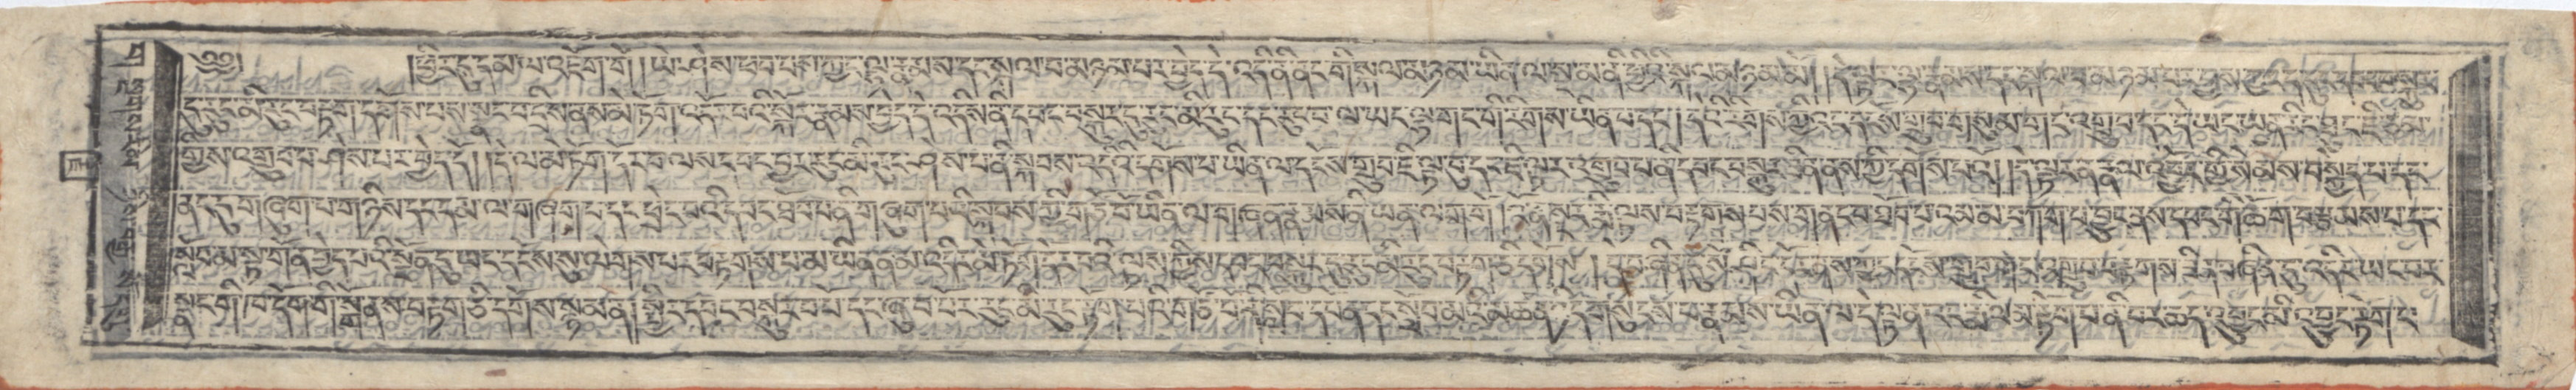༄༅། །ཕྱིར་དུ་དམ་ལ་འཇོག་གོ །ཡེ་ཤེས་ཕབ་པས་ཀྱང་ལྷ་རྣམས་དང་སྐལ་བ་མཉམ་པར་བྱེད་དེ་འདི་ནི་ནང་གི་སྐལ་མཉམ་ཡིན་ལ་སྔ་མ་ནི་ཕྱིའི་སྐལ་མཉམ་མོ། །དེ་ལྟར་ལྷ་རྣམས་དང་སྐལ་བ་མཉམ་པར་བྱས་ཀྱང་ད་དུང་དབང་བསྐུར་
དུ་རུང་མི་རུང་བརྟག་དགོས་པས་སྣང་བ་དྲིས་ནས་མེ་ཏོག་འདོར་བའི་སྐོར་རྣམས་བྱེད་དེ་འདིས་ནི་དབང་བསྐུར་དུ་རུང་མི་རུང་དང་རུང་བ་ལ་ཡང་ལྷ་གང་གི་རིགས་ཡིན་པ་དང་། དེའི་རིགས་ཀྱིའང་དངོས་གྲུབ་གསུམ་གང་འགྲུབ་དང་དེ་ཡང་ཡུན་རིང་ཐུང་ཇི་ཙམ་
གྱིས་འགྲུབ་པ་ཤེས་པར་བྱེད་དོ། །དེ་ལ་མེ་ཏོག་དོར་བ་ལས་དབང་བྱར་རུང་མི་རུང་ཤེས་པ་ནི་སྐབས་འདིའི་དགོས་པ་ཡིན་ལ་དངོས་གྲུབ་ཇི་ལྟ་བུ་དང་ཇི་ལྟར་འགྲུབ་པ་ནི་དབང་བསྐུར་ཟིན་ནས་ཀྱི་དགོས་པའོ། །དེ་ལྟར་ན་རྣལ་འབྱོར་གྱི་སེམས་བསྐྱེད་པ་དང་
ནང་དུ་གཞུག་པ་གཉིས་དང་དམ་ལ་གཞག་པ་དང་ཕྲེང་བའི་དབང་ཐོབ་པ་ནི་གཞུག་པའི་སྐབས་ཀྱི་གཙོ་བོ་ཡིན་ལ་གཞན་རྣམས་ནི་ཡན་ལག་གོ །འོ་ན་སྔར་རྨི་ལྟས་བརྟགས་པས་གནང་བ་ཐོབ་པའམ་མ་བཀག་པ་བྱུང་ནས་དབང་གི་ཆོ་ག་བརྩམས་པ་དང་
སློབ་མ་སྟ་གོན་བྱེད་པའི་སྔོན་དུ་ཡང་དངོས་སུ་ལེགས་པར་བརྟགས་པ་མ་ཡིན་ནམ་འདིར་མེ་ཏོག་དོར་བའི་ལྟས་ཀྱིས་དབང་བསྐུར་དུ་རུང་མི་རུང་བརྟག་ཅི་དགོས། དེ་བཞིན་དུ་སོ་ཤིང་དོར་ནས་ཀྱང་དངོས་གྲུབ་གང་འགྲུབ་བརྟགས་ཟིན་བཞིན་དུ་འདིར་ཡང་བར་
སྣང་གི་ཁ་དོག་གི་སྒོ་ནས་བརྟག་ཅི་དགོས་སྙམ་ན། སྤྱིར་དབང་བསྐུར་བ་པོ་དང་ཞུ་བ་པོར་རུང་མི་རུང་རྟོག་པའི་གཙོ་བོ་ནི་སློབ་དཔོན་དང་སློབ་མའི་མཚན་ཉིད་གསུངས་པ་རྣམས་ཡིན་ལ་དེ་ལྟ་ནའང་རྨི་ལམ་རྟོག་པ་ནི་བར་ཆད་འབྱུང་མི་འབྱུང་རྟོག་པ་